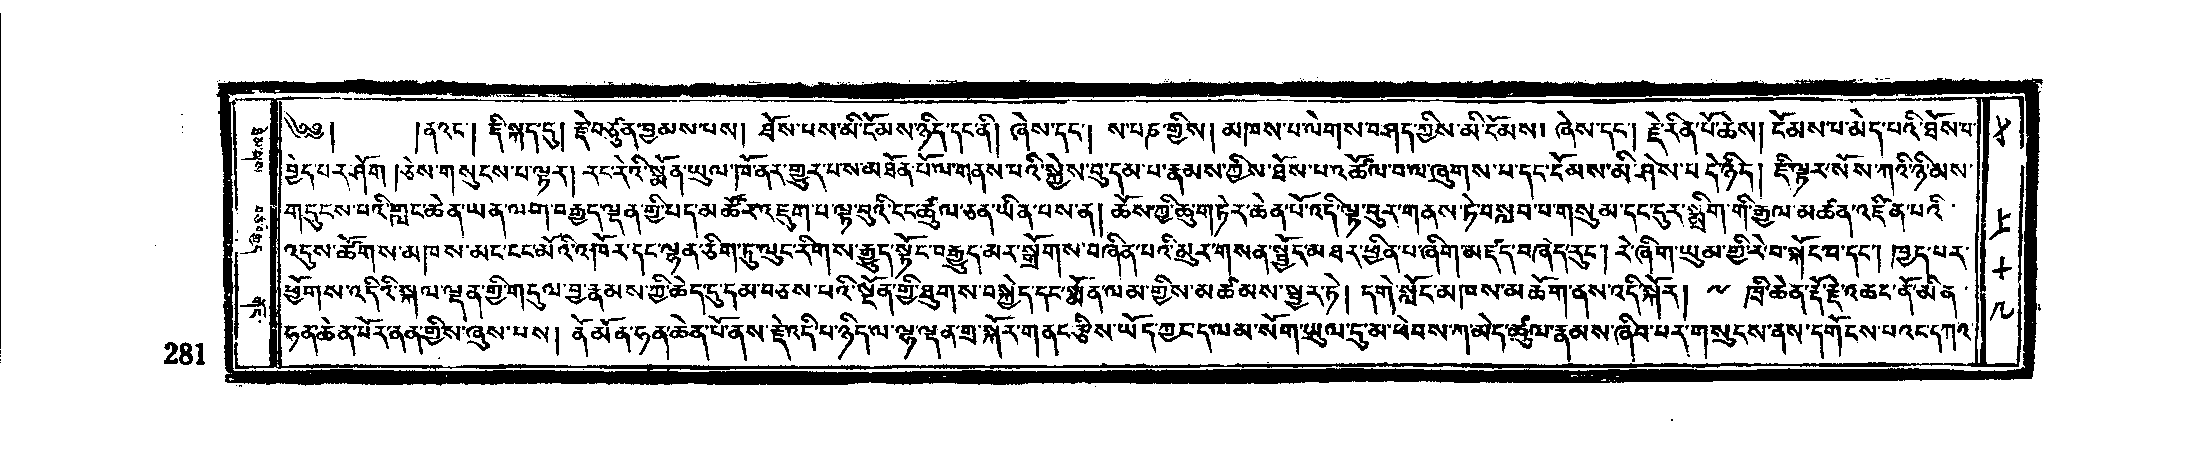༄༅། །ནའང་། ཇི་སྐད་དུ། རྗེ་བཙུན་བྱམས་པས། ཐོས་པས་མི་ངོམས་ཉིད་དང་ནི། ཞེས་དང་། ས་པཎ་གྱིས། མཁས་པ་ལེགས་བཤད་ཀྱིས་མི་ངོམས། ཞེས་དང་། རྗེ་རིན་པོ་ཆེས། ངོམས་པ་མེད་པའི་ཐོས་པ་
བྱེད་པར་ཤོག །ཅེས་གསུངས་པ་ལྟར། རང་རེའི་སྨོན་ཡུལ་ཁོ་ནར་གྱུར་པ་ས་མཐོན་པོ་ལ་གནས་པའི་སྐྱེས་བུ་དམ་པ་རྣམས་ཀྱིས་ཐོས་པ་འཚོལ་བ་ལ་ཞུགས་པ་དང་ངོམས་མི་ཤེས་པ་དེ་ཉིད། ཇི་ལྟར་སོས་ཀའི་ཉི་མས་
གདུངས་པའི་གླང་ཆེན་ཡན་ལག་བརྒྱད་ལྡན་གྱི་པད་མཚོར་འཇུག་པ་ལྟ་བུའི་ངང་ཚུལ་ཅན་ཡིན་པས་ན། ཆོས་ཀྱི་ཆུ་གཏེར་ཆེན་པོ་འདི་ལྟ་བུར་གནས་ཏེ་བསླབ་པ་གསུམ་དང་དུར་སྨྲིག་གི་རྒྱལ་མཚན་འཛིན་པའི་
འདུས་ཚོགས་མཁས་མང་ངང་མོའི་འཁོར་དང་ལྷན་ཅིག་ཏུ་ལུང་རིགས་རྒྱུད་སྟོང་བརྒྱུད་མར་སྒྲོགས་བཞིན་པའི་མུར་གསན་སྦྱོང་མཐར་ཕྱིན་པ་ཞིག་མཛད་བཞེད་རུང་། རེ་ཞིག་ཡུམ་གྱི་རེ་བ་སྐོང་བ་དང་། ཁྱད་པར་
ཕྱོགས་འདིའི་སྐལ་ལྡན་གྱི་གདུལ་བྱ་རྣམས་ཀྱི་ཆེད་དུ་དམ་བཅས་པའི་སྔོན་གྱི་ཐུགས་བསྐྱེད་དང་སྨོན་ལམ་གྱིས་མཚམས་སྦྱར་ཏེ། དགེ་སློང་མཁས་མཆོག་ནས་འདི་སྐོར། ༧་ཁྲི་ཆེན་རྡོ་རྗེ་འཆང་ནོ་མིན་
ཧན་ཆེན་པོར་ནན་གྱིས་ཞུས་པས། ནོ་མོན་ཧན་ཆེན་པོ་ནས་རྗེ་འདི་པ་ཉིད་ལ་ལྷ་ལྡན་གྲ་སྐོར་གནང་རྩིས་ཡོད་ཀྱང་ད་ལམ་སོག་ཡུལ་དུ་མ་ཕེབས་ཀ་མེད་ཚུལ་རྣམས་ཞིབ་པར་གསུངས་ནས་དགོངས་པའང་དཀའ་